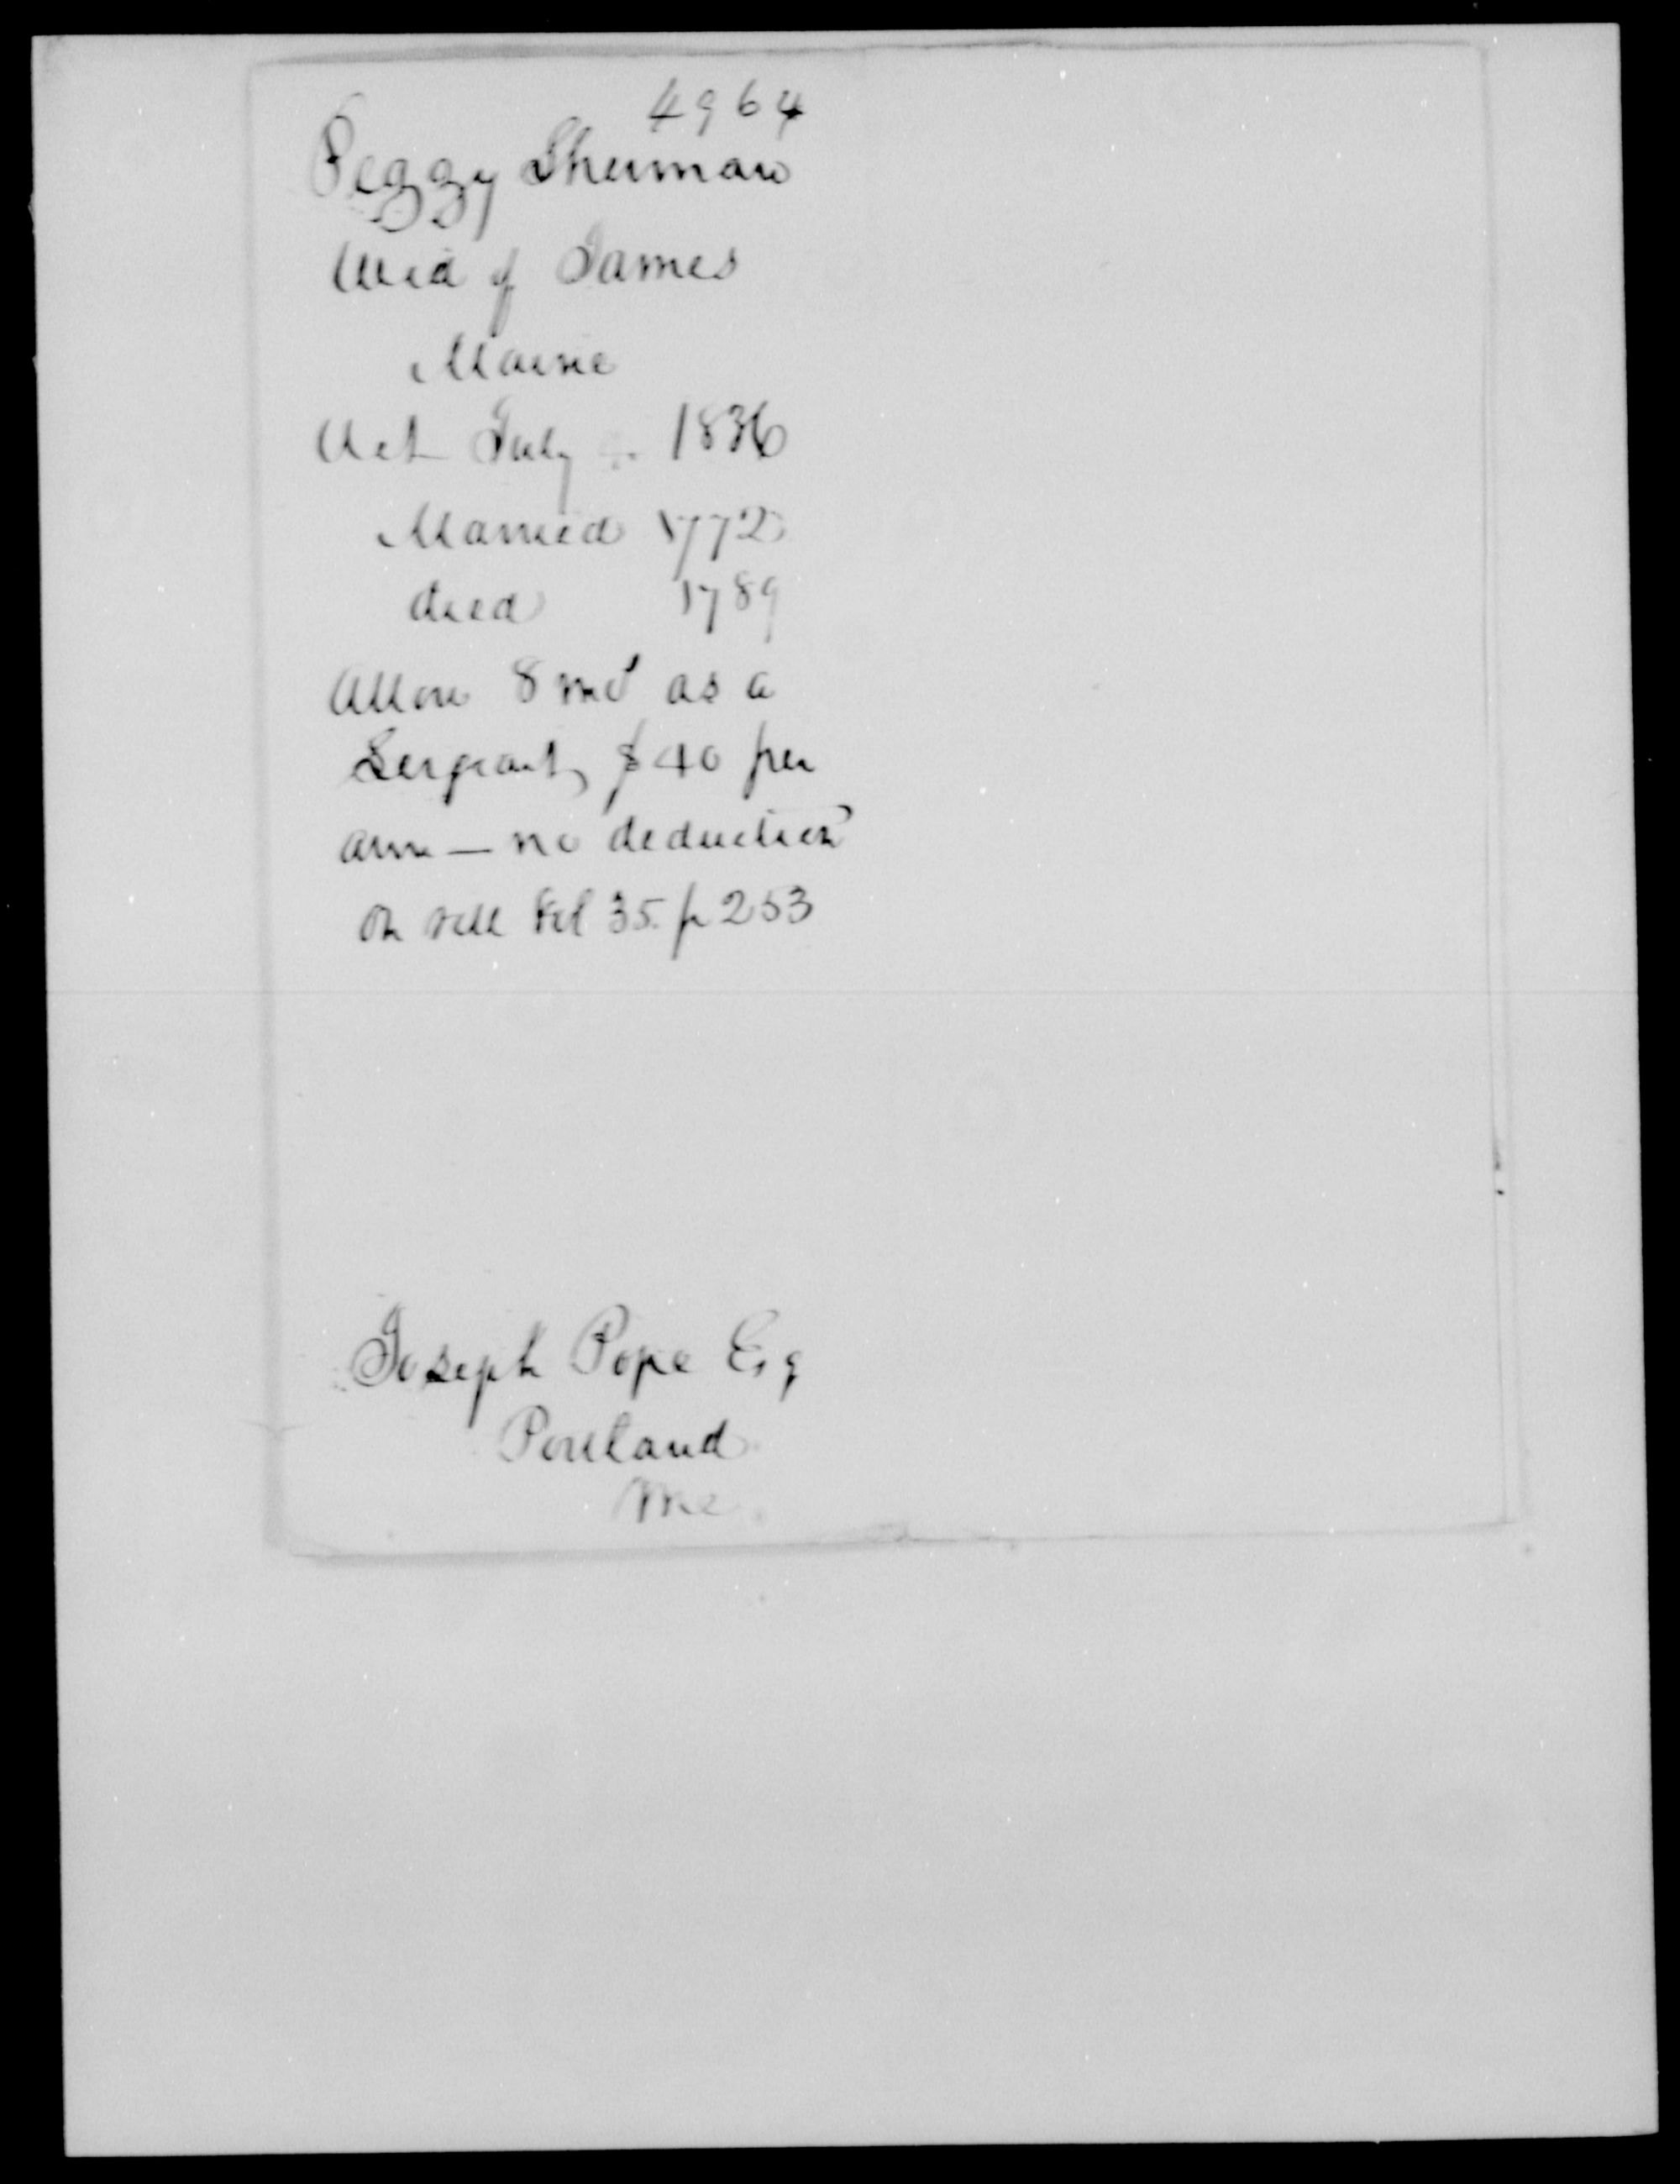[doc is written]
4964
Peggy Sherman
Wid of James
Maine
Act July 1836
Married 1772
died 1789
Allowed 8 mo as a
Sergeant $40 per
ann---no deduction
on roll [illegible] 35 / 253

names: James Sherman; Peggy Sherman; Joseph Pope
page: 17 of 20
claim: widow's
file: W. 22,200, for James Sherman, Massachusetts